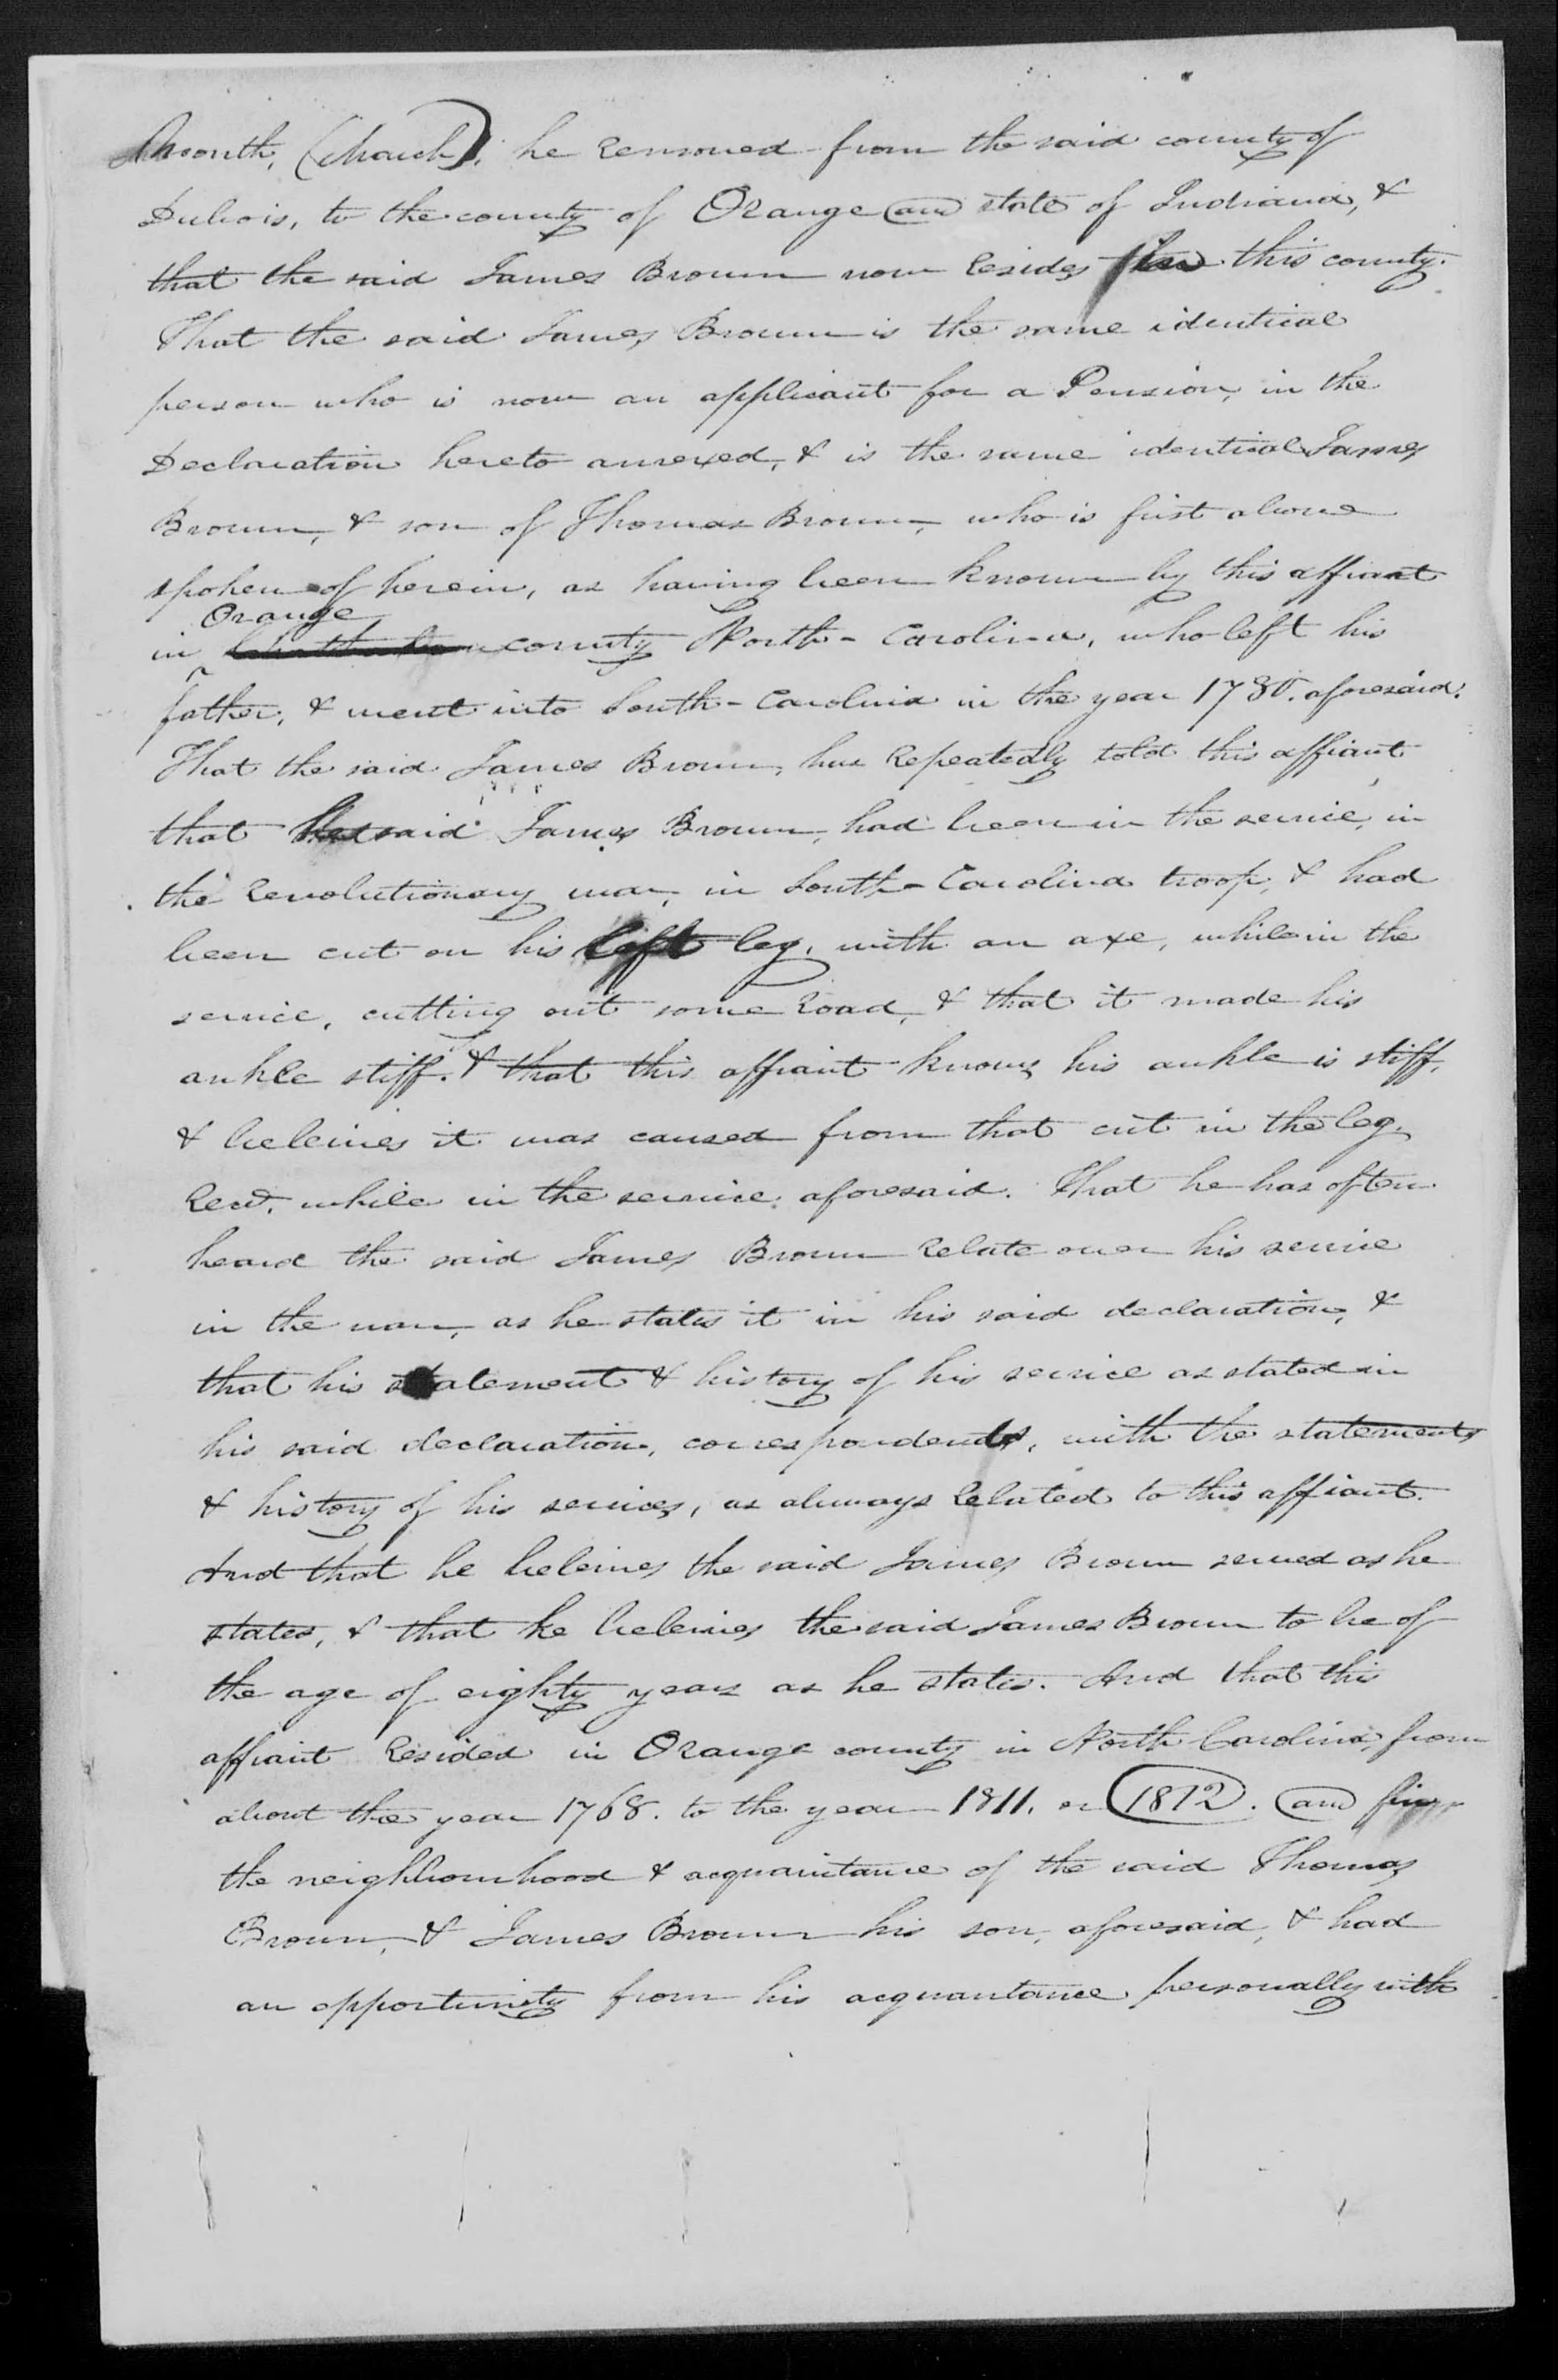month,March, he removed from the said County of Dubois, to the County of Orange and State of Indiana, &
that the said James Brown now resides in this county.
That the said James Brown is the same identical person who is now an applicant for a Pension, in the
Declaration hereto annexed, & is the same identical James Brown & son of Thomas Brown who is first above
spoken of herein, as having been known by this affiant in Orange County North Carolina, who left his
father, & went into South Carolina in the year 1780, aforesaid.
That the said James Brown, had repeatedly told this affiant that the said James Brown, had been in the service in the Revolutionary war in South Carolina troop & had been
cut on his left leg, with an axe, while in the service, cutting out some road & that it made his ankle stiff & that this affiant knows his ankle is stiff
& believes it was caused from that cut in the leg Recd. while in the service aforesaid. That he has often
heard the said James Brown relate on his service in the war as he states it in his said declaration & that his statement & history of his service as stated in his said declaration, corresponds with the statements
& history of his services, as always related to this affiant.
And that he believes the said James Brown served as he states that he believes the said James Brown to be of the age of eighty years as he states. And that this affiant resided in Orange County in North Carolina from
about the year 1768 to the year 1811 or 1812, and [illegible] the neighbourhood & acquaintance of the said Thomas Brown & James Brown his son aforesaid & had an opportunity from his acquaintance personally with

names: James Brown, James Brown, James Brown, Thomas Brown, James Brown, James Brown, James Brown, James Brown, James Brown, James Brown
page: 17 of 41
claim: rejected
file: R. 1309, James Brown, S.C.